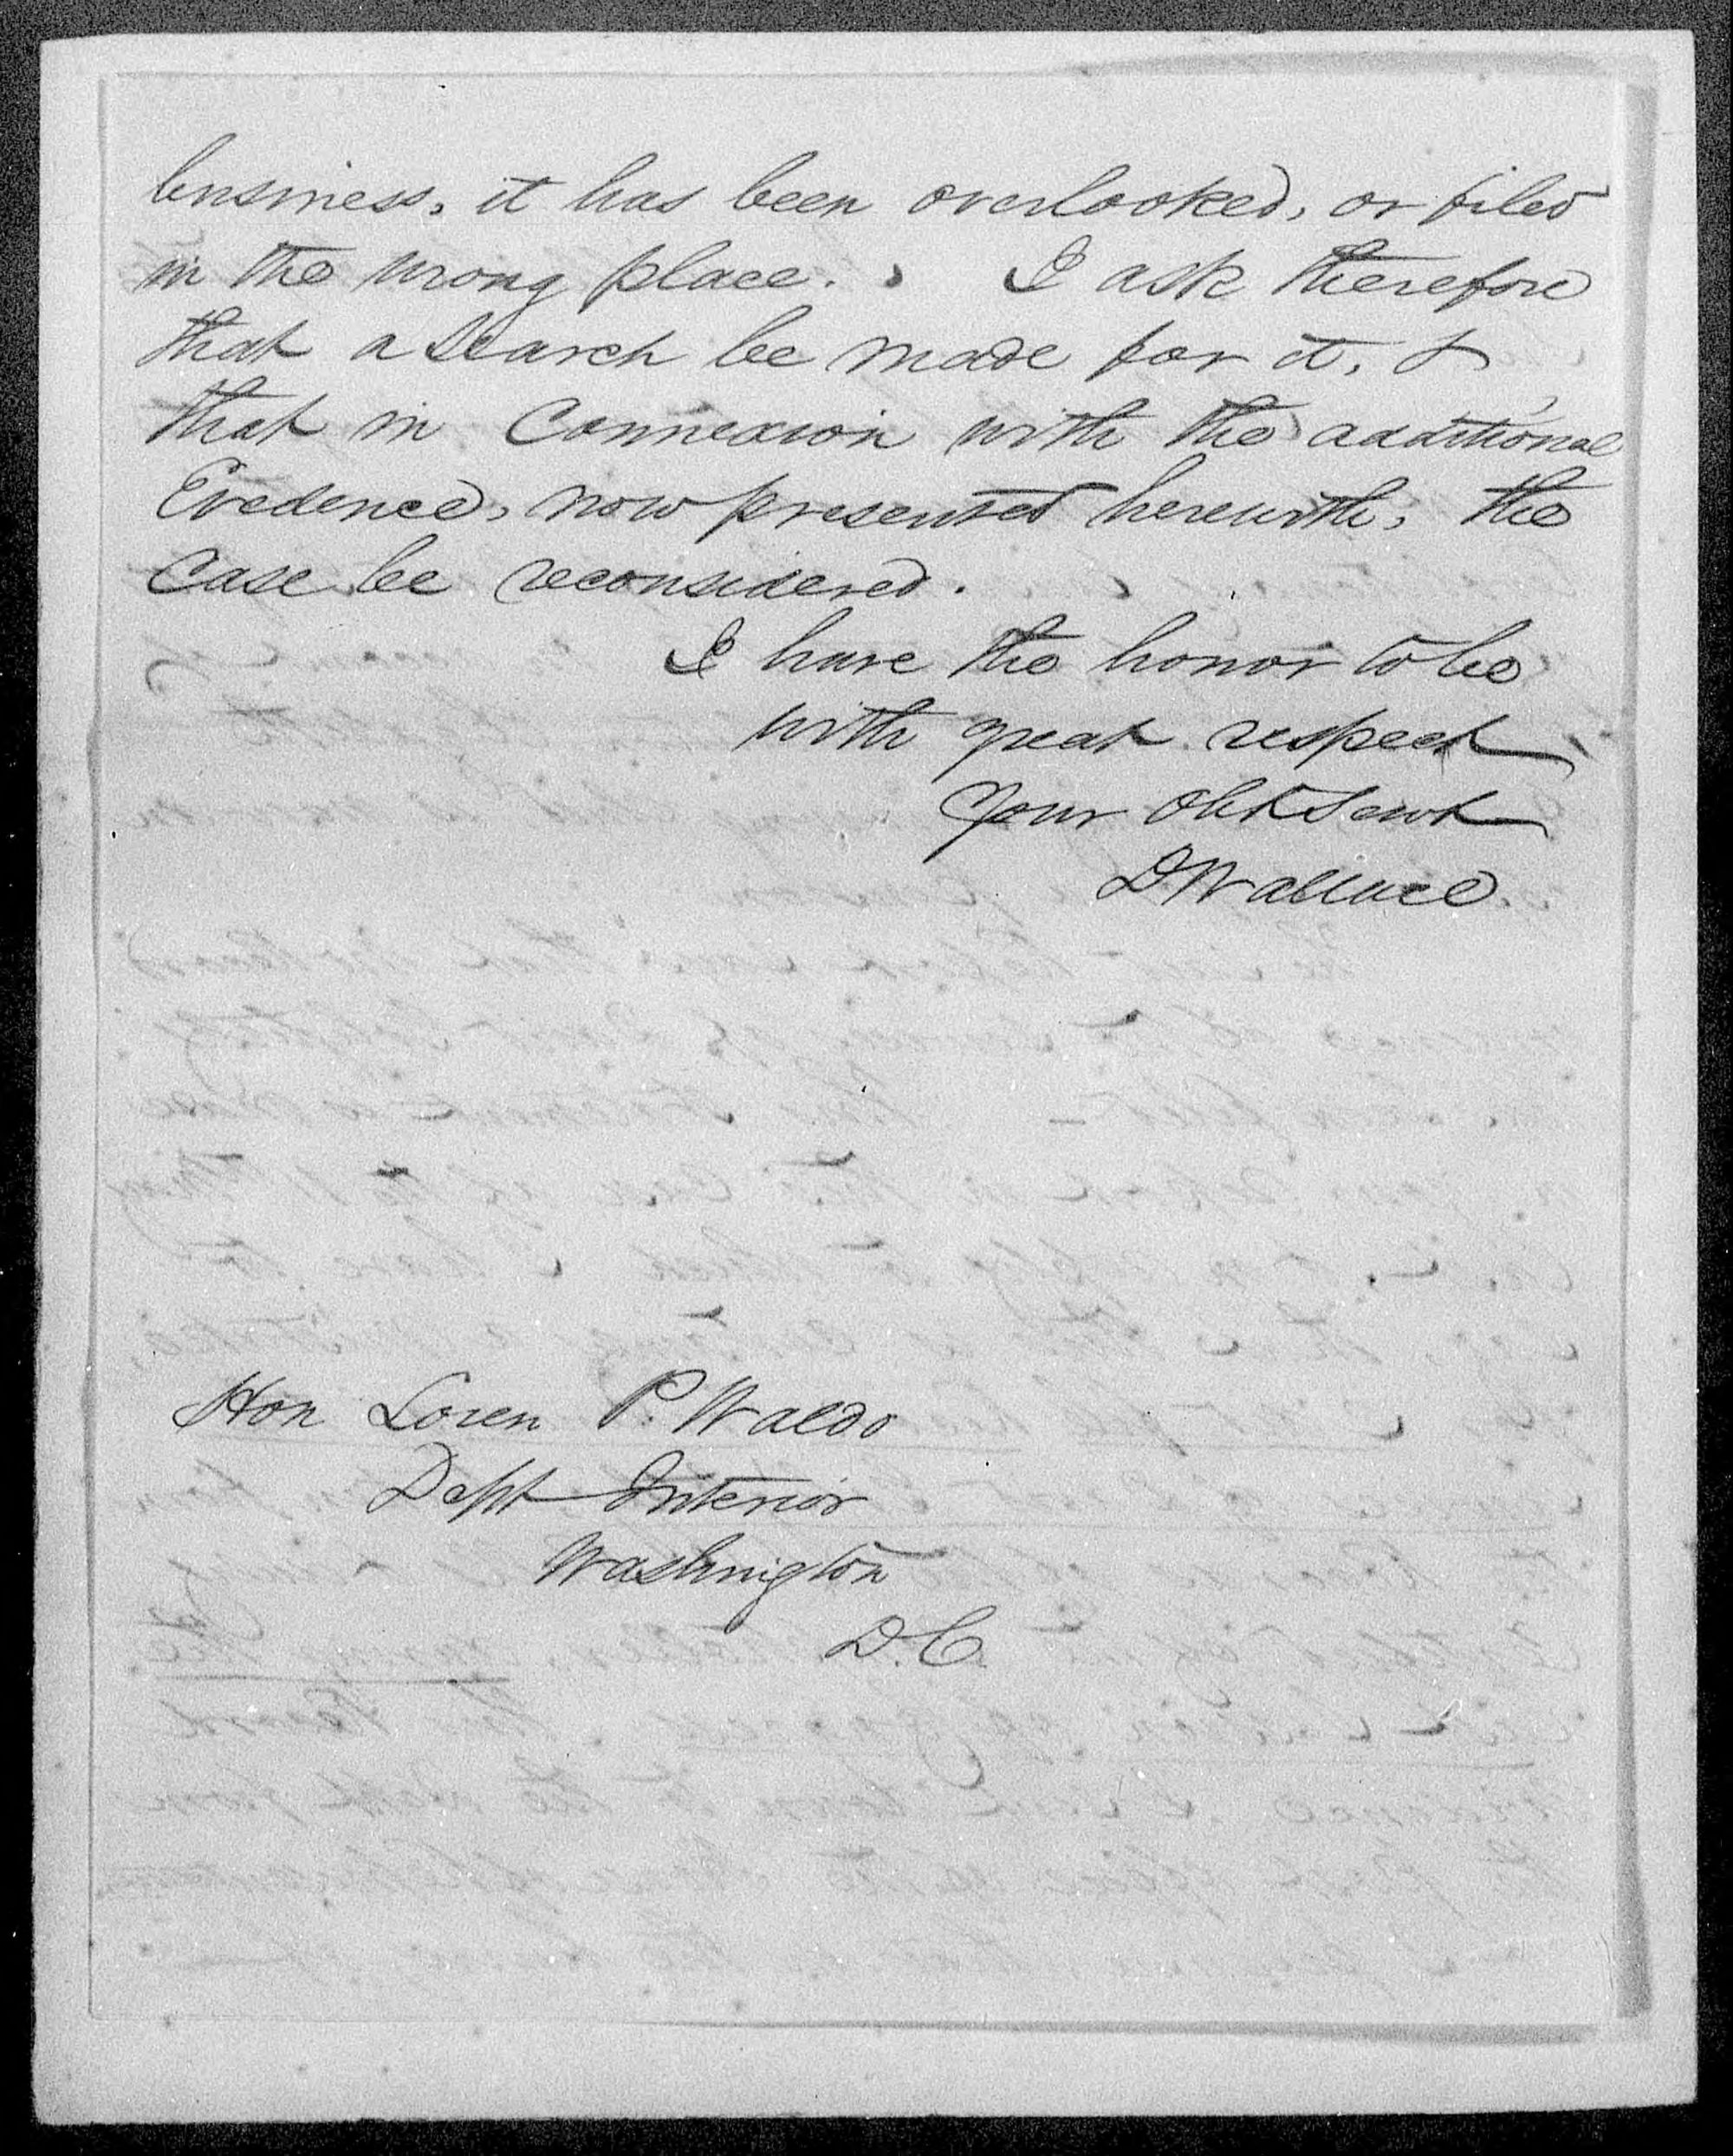Page 2

business, it has been overlooked, or filed in the wrong place.  I ask therefore that a search for it & that in connection with the additional evidence, now presented herewith, the case be reconsidered.

   I have the honor to be
   with great respect
   You Ob & Fairful Servant
   D.W. Wallace

Hon. Loren P. Waldo
Dept Interior
Washington
   D.C.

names: D Wallace, Loren P Waldo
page: 52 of 57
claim: survivor's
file: S. 18888, David Golightly, S.C.